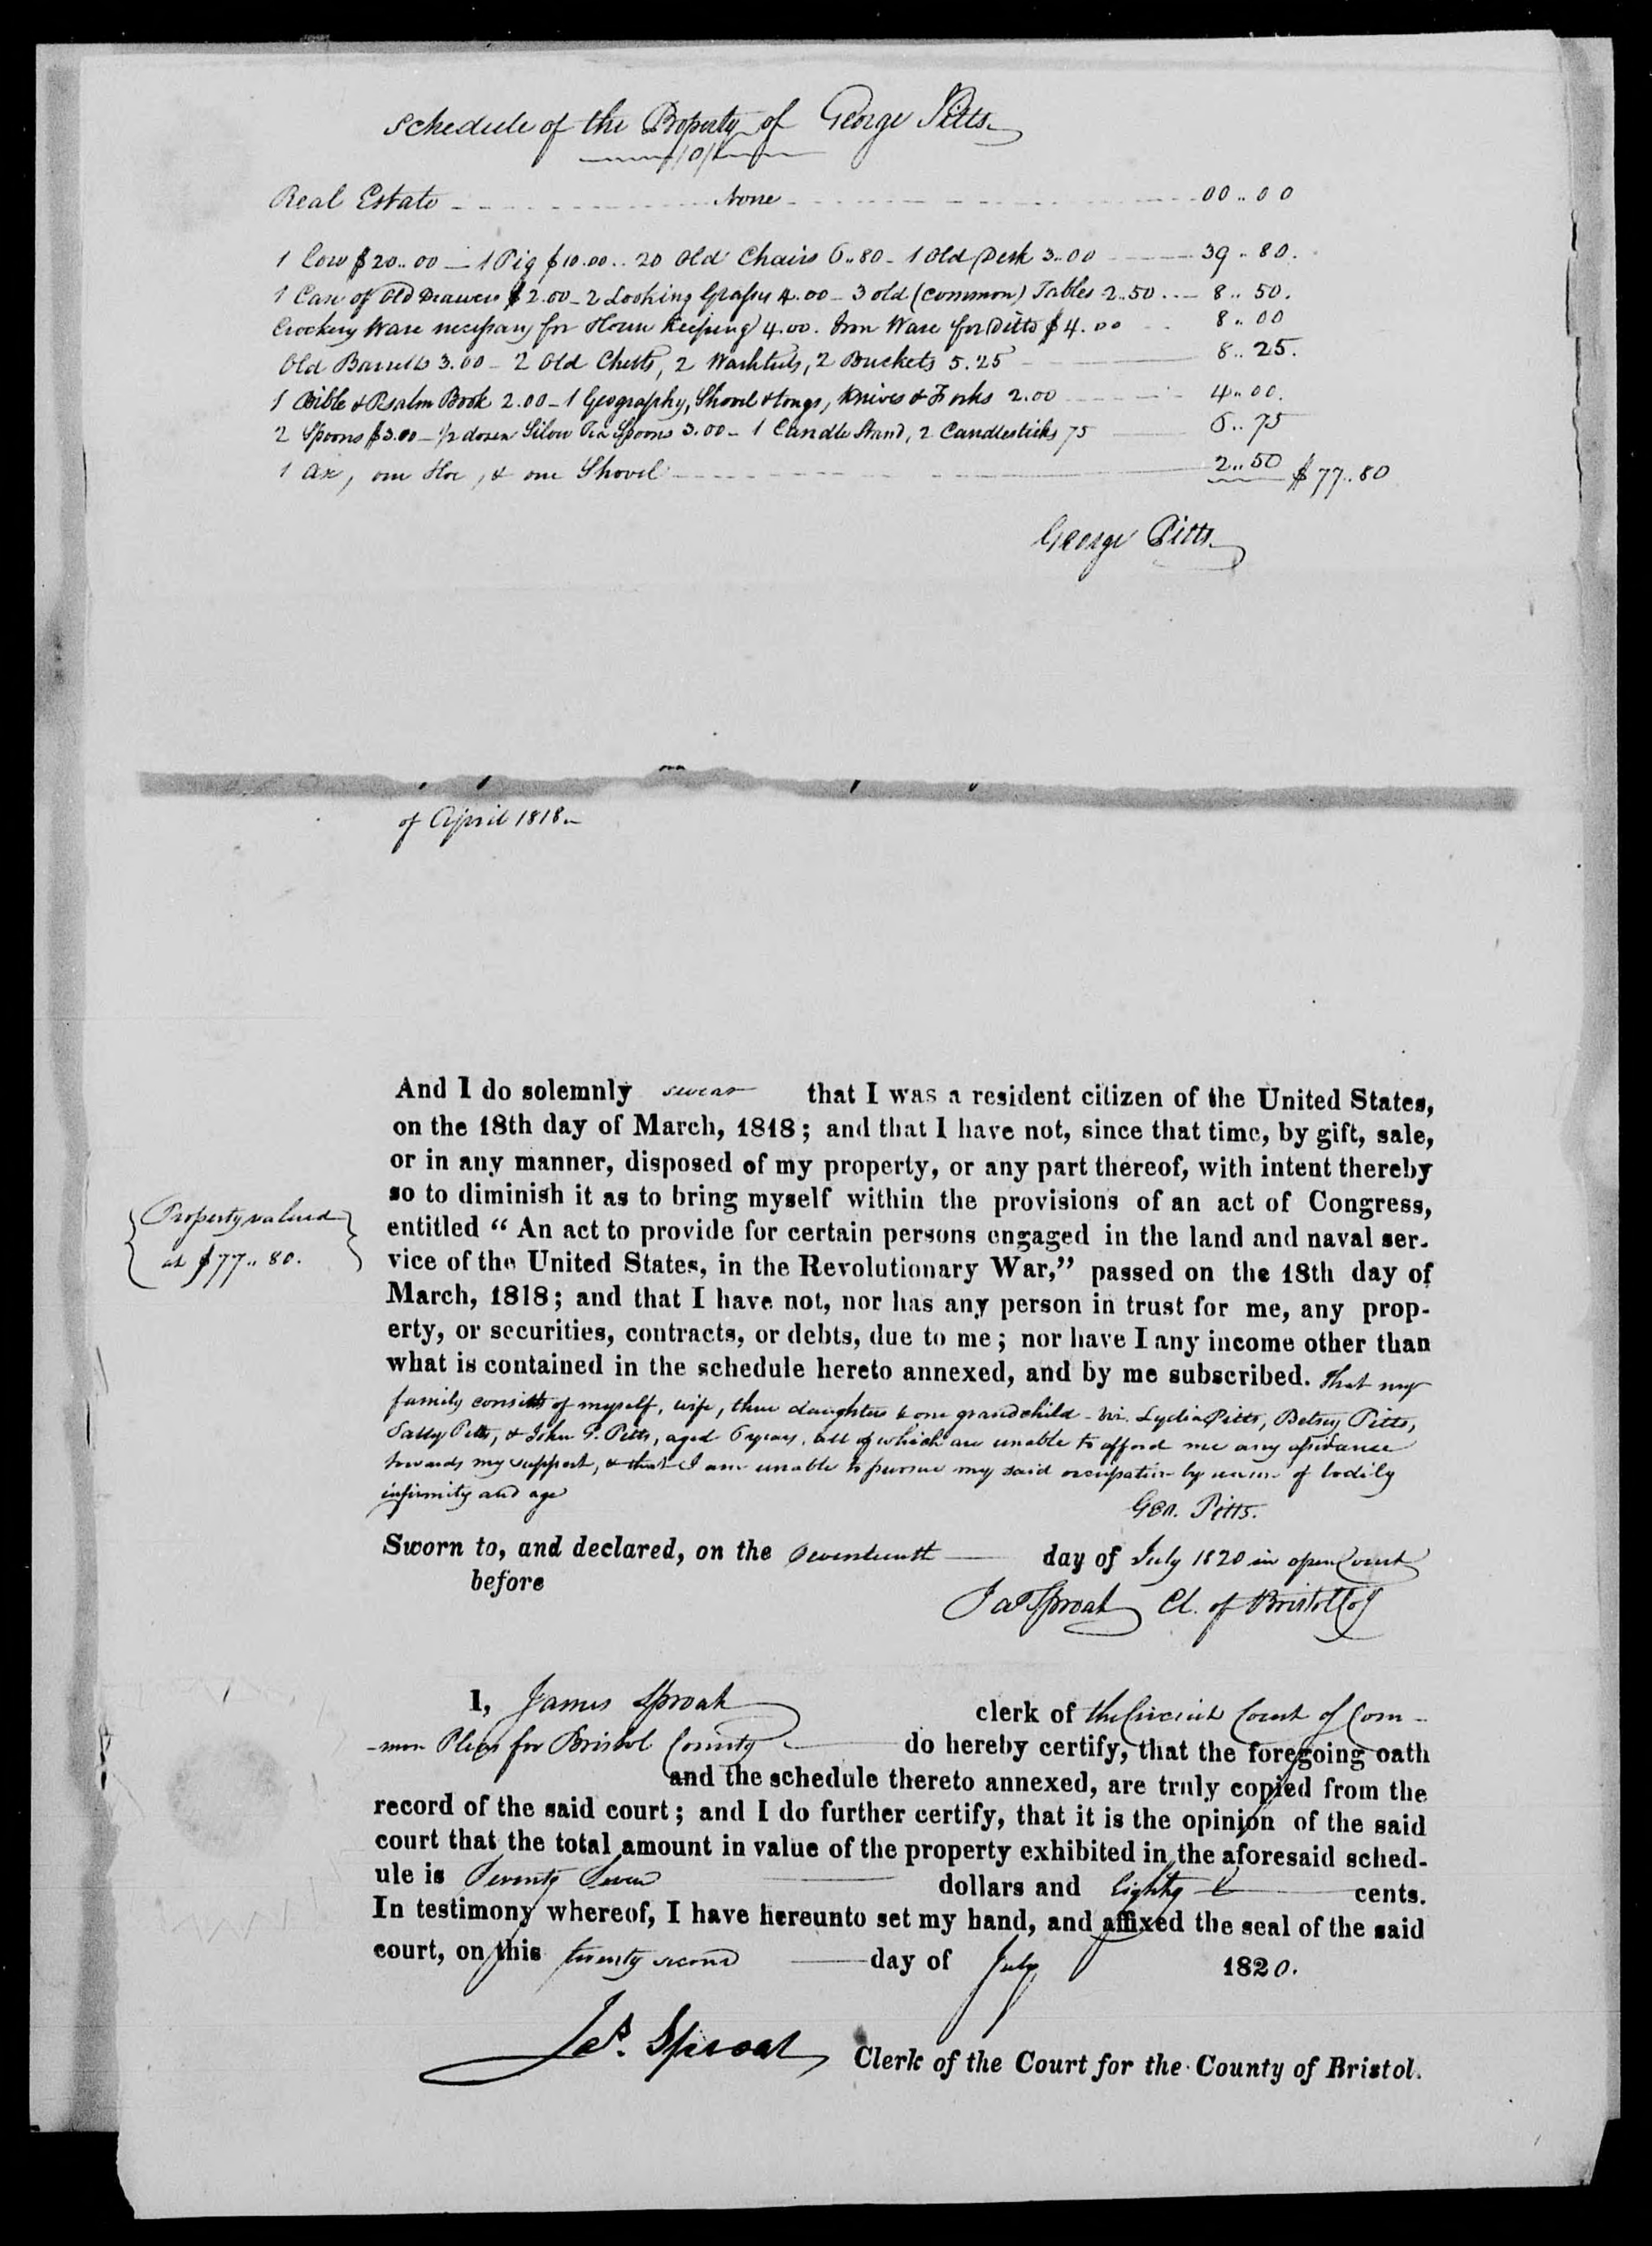Schedule of Property of George Pitts
Real Estate ......None.... 00.00
1 Cow $20.00 ... 1 Pig $10.00 ... 20 old Chairs 6.80...1 old Desk 3.00...[total] 39.80
1 case of old drawers...$2.00...2 Looking Glasses 4.00...3 old (common) tables 2.50...[total] 8.50
Crockery ware necessary for house keeping...4.00. Iron ware for Ditto $4.00...[total] 8. 00
Old barrels...3.00...2 Old Chests, 2 washtubs, 2 Buckets...5.25...[[total]...8.25
Bible & Psalm Book...2.00 - Geography, Shovel tongs, knives & Forks 2.00...[total] 4.00.
2 Spoons $2.00 -  1/2 dozen silver tea spoons 3.00 - 1 Candle Stand, 2 Candlesticks .75...[total] 5.75
1 ax, one Hoe & one Shovel...2.50
[grand total] $77.80
George Pitts

of April 1818
And I do solemnly swear that I was a resident citizen of the United States,
on the 18th day of March, 1818; and that I have not, since that time, by gift, sale,
or in any manner, disposed of my property, or any part thereof, with intent thereby
so to diminish it as to bring myself within the provisions of an act of Congress,
entitled ""An act to provide for certain persons engaged in the land and naval service
of the United States, in the Revolutionary War,” passed on the 18th day of
March, 1818; and that I have not, nor has any person in trust for me, any property, or securities, contracts, or debts, due to me; nor have I any income other than
what is contained in the schedule hereto annexed, and by me subscribed. That my
family consists of myself, wife, three daughters one grandchild, viz. Lydia Pitts, Betsey Pitts
Sally Pitts, & John P. Pitts, aged 6 years, all of which are unable to afford me any assistance
wards my support, & that I am unable to pursue my said occupation by means of bodily
infirmity and age.
Geo. Pitts.
Sworn to, and declare, on the Seventeenth day of July 1820 in open Court
before
Jas. Sproat Cl. of Bristol County
[written in margin] Property valued at $77.80.

I, James Sproat clerk of the Circuit Court of Common Pleas for Bristol County do hereby certify, that the foregoing oath and the schedule thereto annexed, are truly copied from the
record of the said court; and I do further certify, that it is the opinion of the said
art that the total amount in value of the property exhibited in the aforesaid schedule
seventy seven dollars and Eighty
cents.
In testimony whereof, I have hereunto set my hand, and affixed the seal of the said
hurt, on this twenty second
day of July 1820.
Jas. Sproat Clerk of the Court for the County of Bristol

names: Lydia Pitts; George Pitts; Sally Pitts; Betsey Pitts; James Sproat; John P Pitts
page: 7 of 54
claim: widow's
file: W. 26,897, for George Pitts, Massachusetts